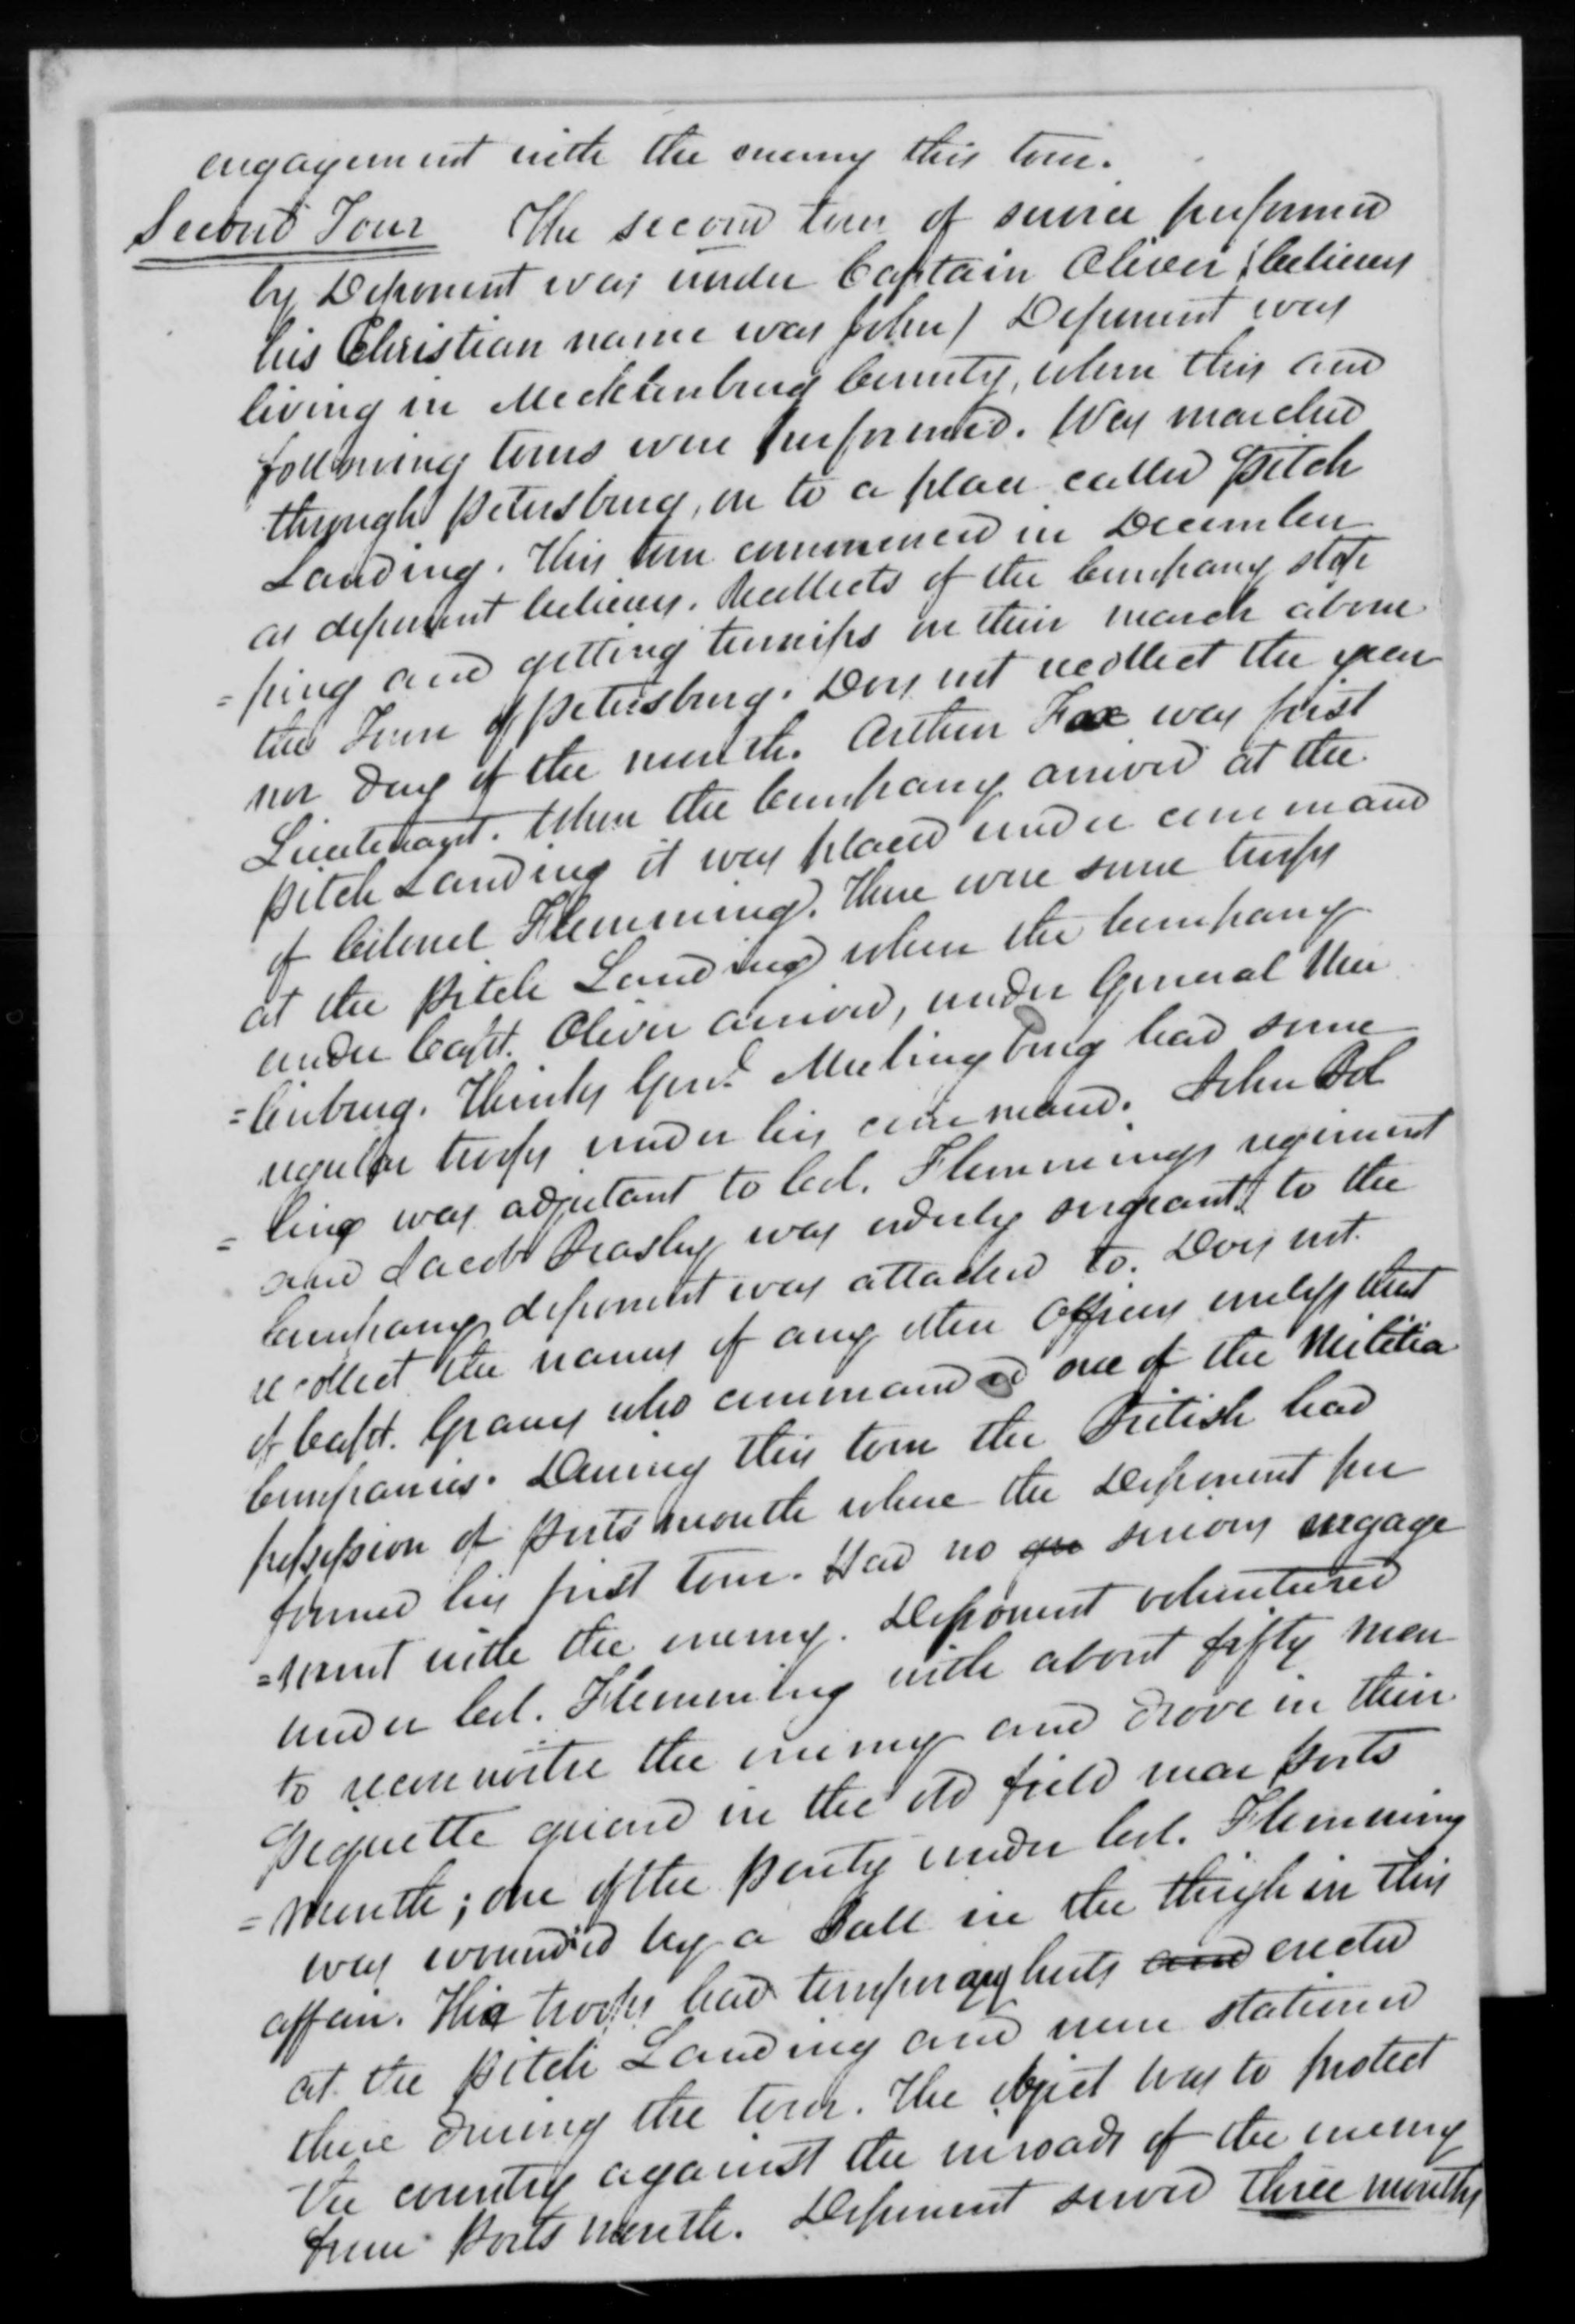engagement with the enemy this time.
Second Tour The second tour of service performed by Deponent was under Captain Oliver (believes his Christian name was John) Deponent was living in Mecklenburg County, when this and following tours were performed. Was marched through Petersburg, on to a place called Pitch Landing. This tour commenced in December as deponent believes. Recollects of the Company stopping and getting turnips in their march above the Town of Petersburg. Does not recollect the year nor day of the month. Arthur Fox was first Lieutenant. When the Company arrived at the Pitch Landing it was placed under command of Colonel. Flemming. There were some troops at the Pitch Landing when the Company under Capt. Oliver arrived, under General. Muhlinburg. Thinks Genl. Mulingburg had some regular troops under his command. John Bolling was adjutant to Col. Flemmings regiment and Jacob Beasley was orderly sergeant to the Company deponent was attached to. Does not recollect the names of any other Officers except that of Capt. Graves who commanded one of the Militia Companies. During this time the British had possession of Portsmouth where the Deponent performed his first time. Had no serious engagement with the enemy. Deponent volunteered under Col. Flemming with about fifty men to [illegible] the enemy and drove in their Piquette guard in the old field near Portsmouth; one of the party under Col. Flemming was wounded by a ball in the thigh in this affair. The troops had temporary hats erected at the Pitch Landing and were stationed there during the tour. The object was to protect the country against the inroads of the enemy from Portsmouth. Deponent served three months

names: John Bol, Mulingburg, Oliver, Arthur Fax, Jacob Beasley, Flemming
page: 12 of 81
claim: widow's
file: W. 5183, Bolling Wright, Va.